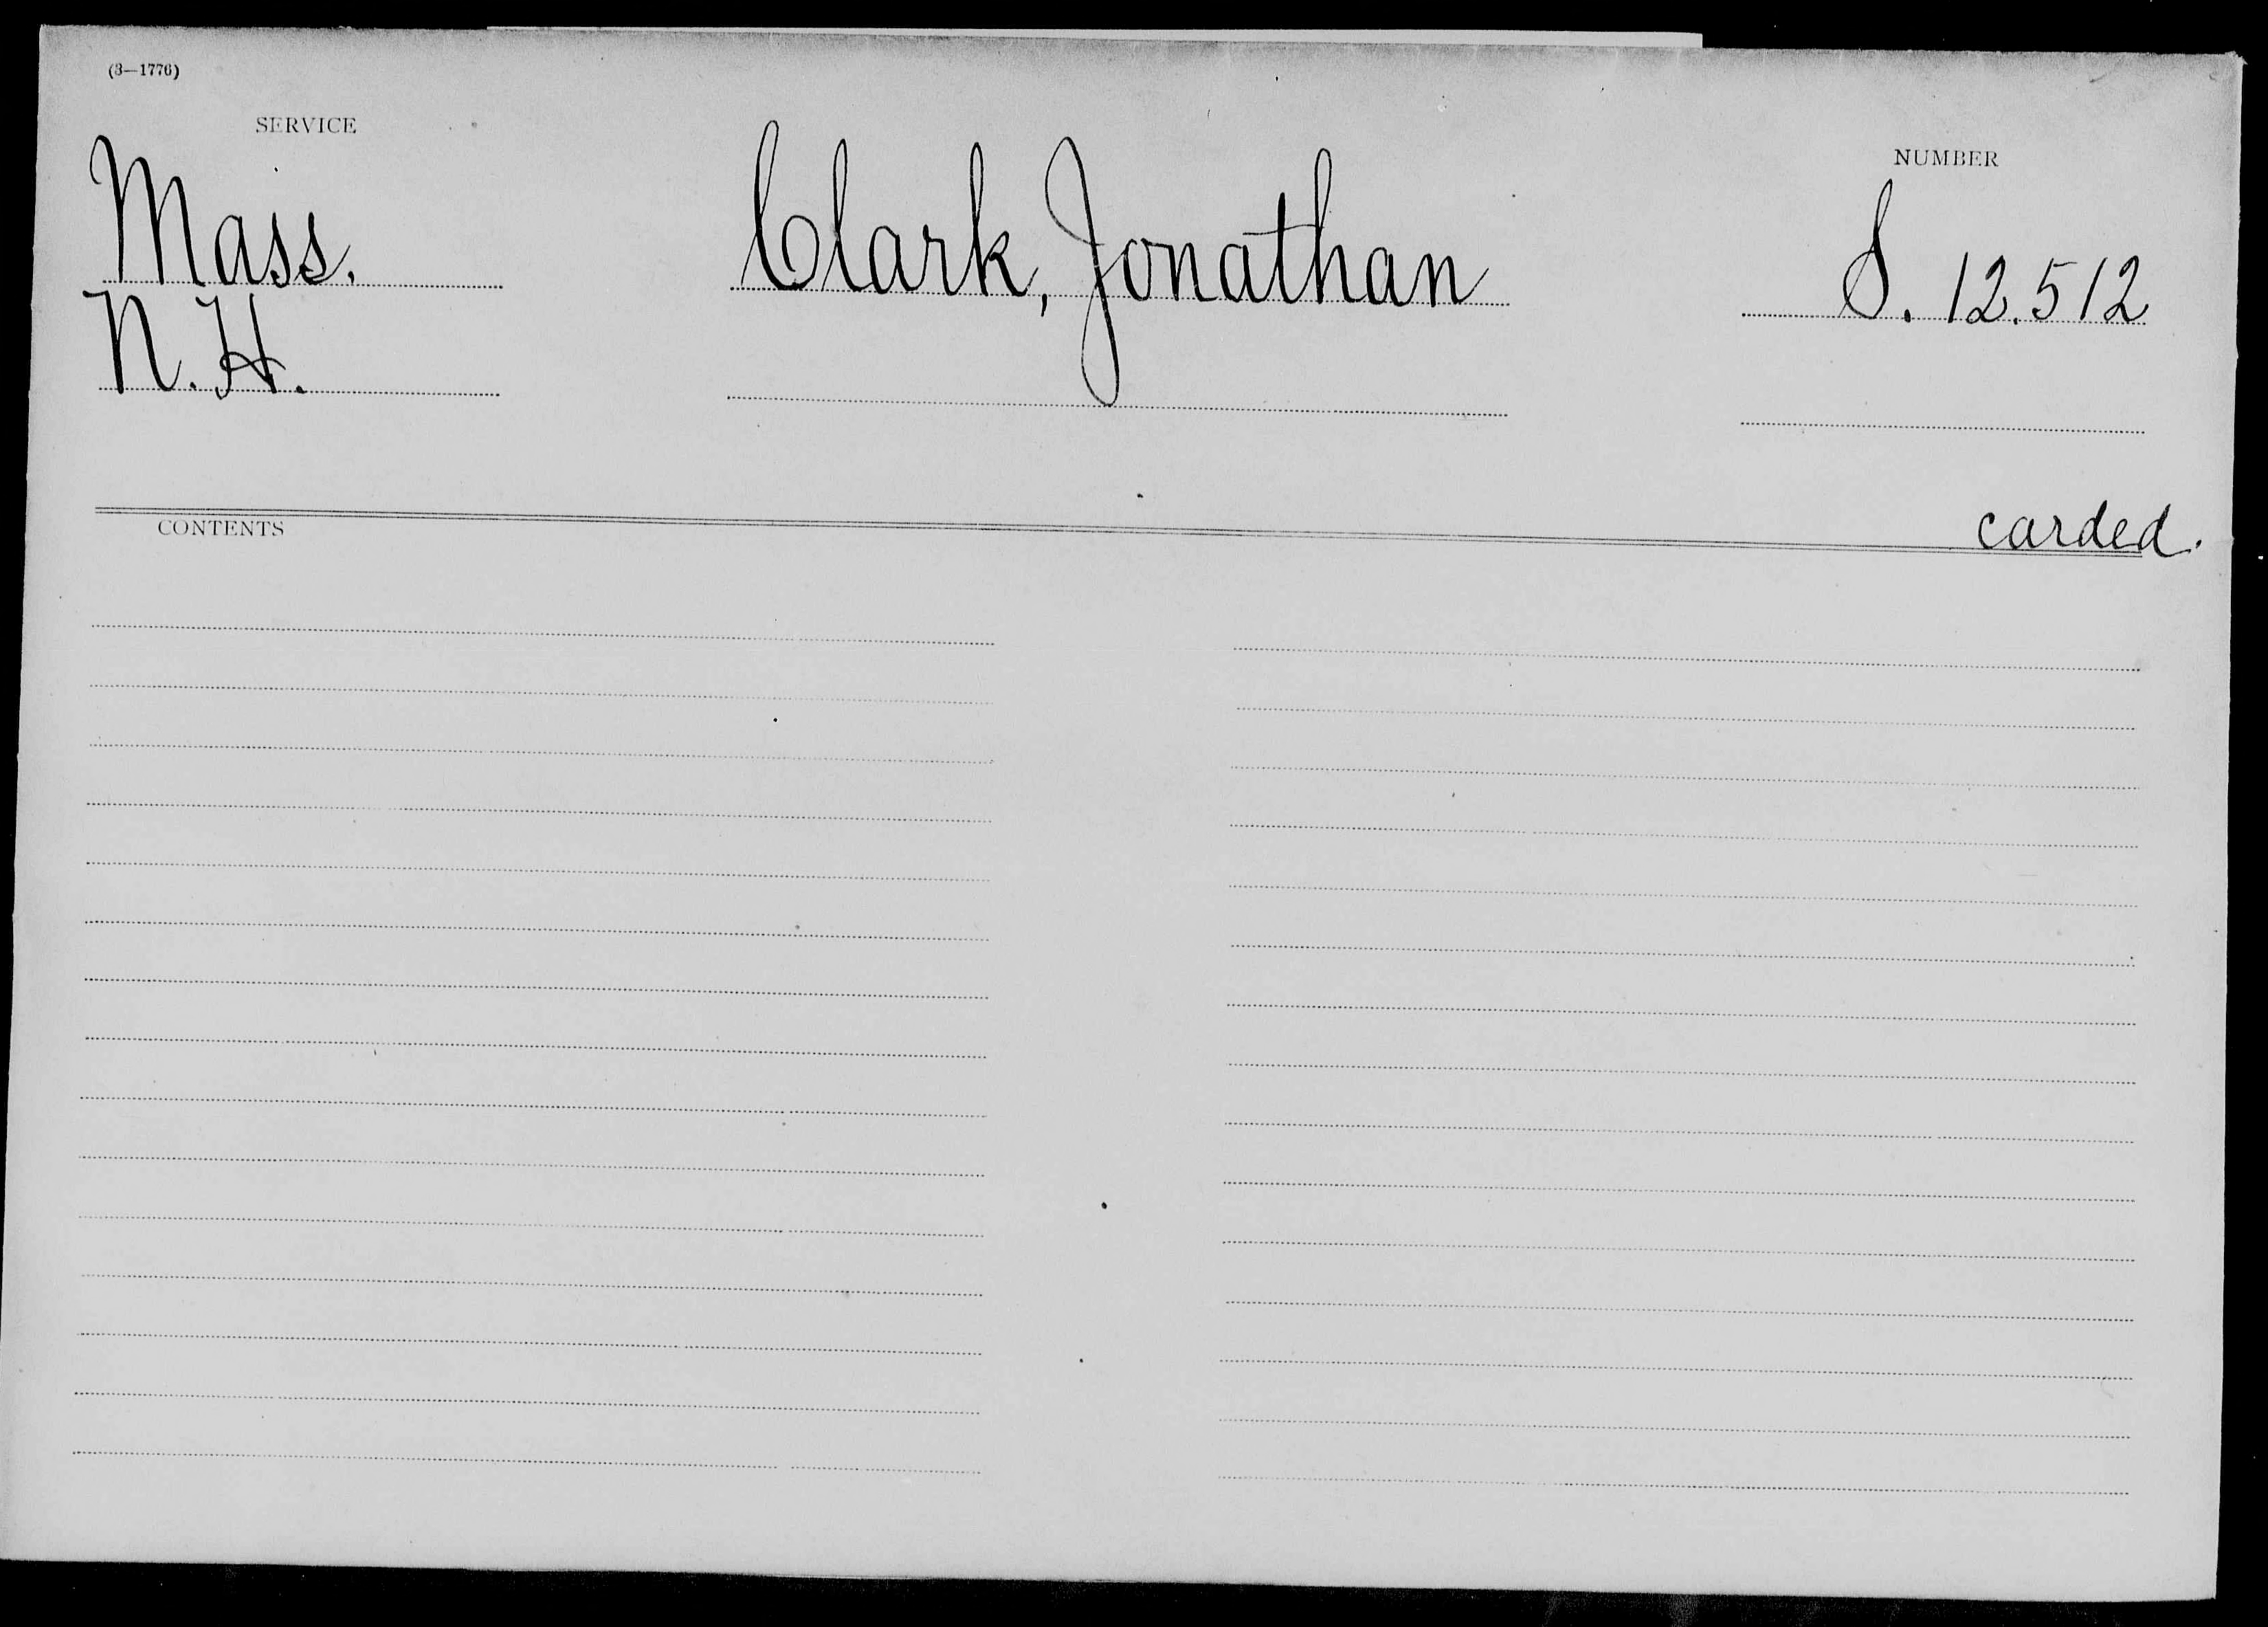Service
Mass
N.H.

Clark, Jonathan

Number
S.12512

Carded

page: 1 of 18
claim: survivor's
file: S. 12,512, Jonathan Clark, Mass. N.H.